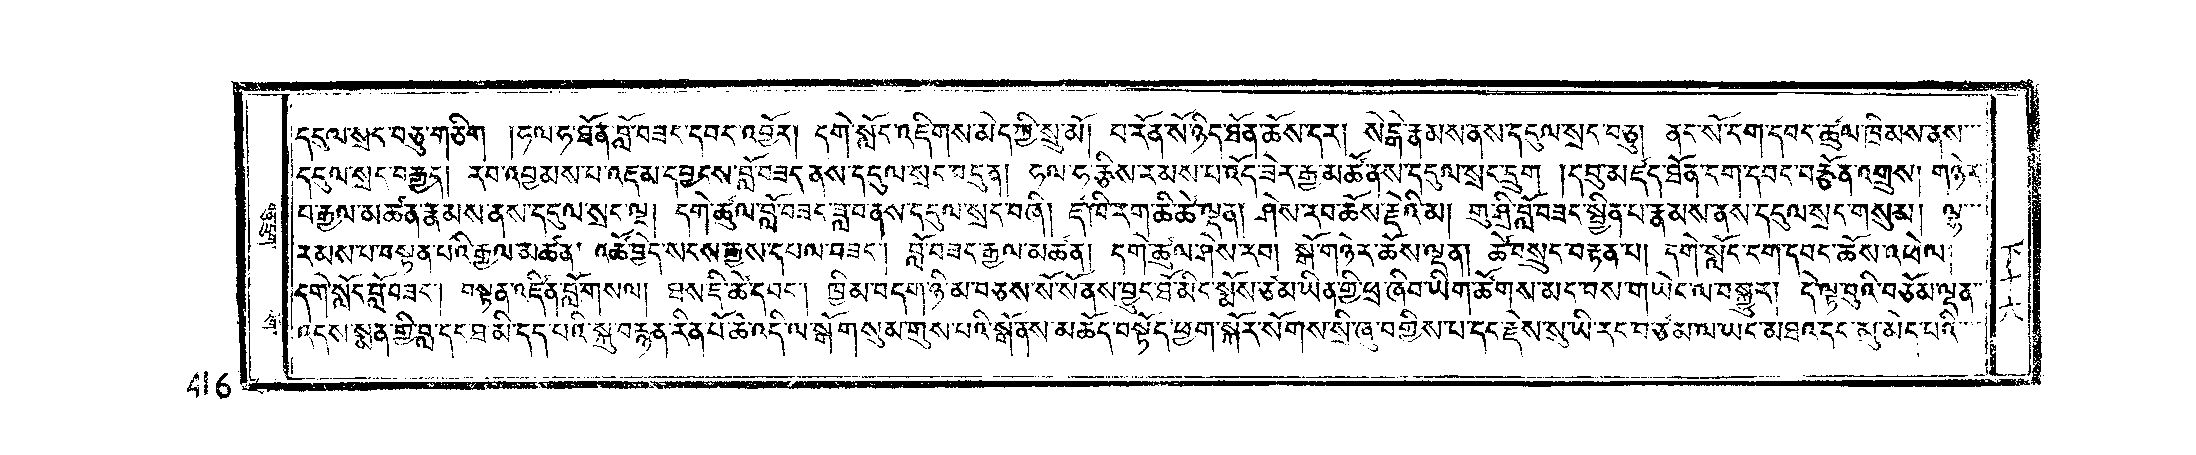དངུལ་སྲང་བཅུ་གཅིག །ཧལ་ཧ་ཐོན་བློ་བཟང་དབང་འབྱོར། དགེ་སློང་འཇིགས་མེད་ཀྱི་སྲུ་མོ། པ་རོན་སོ་ཉིད་ཐོན་ཆོས་དར། སེངྒེ་རྣམས་ནས་དངུལ་སྲང་བཅུ། ནང་སོ་ངག་དབང་ཚུལ་ཁྲིམས་ནས་
དངུལ་སྲང་བརྒྱད། རབ་འབྱམས་པ་འཇམ་དབྱངས་བློ་བཟང་ནས་དངུལ་སྲང་བདུན། ཧལ་ཧ་རྩིས་རམས་པ་འོད་ཟེར་རྒྱ་མཚོ་ནས་དངུལ་སྲང་དྲུག །དབུ་མཛད་ཐོན་ངག་དབང་བརྩོན་འགྲུས། གཉེར་
པ་རྒྱལ་མཚན་རྣམས་ནས་དངུལ་སྲང་ལྔ། དགེ་ཚུལ་བློ་བཟང་ཟླ་བ་ནས་དངུལ་སྲང་བཞི། ཛ་ཁི་རག་ཆི་ཚེ་ལྡན། ཤེས་རབ་ཆོས་རྗེའི་མ། གུ་ཤྲི་བློ་བཟང་སྦྱིན་པ་རྣམས་ནས་དངུལ་སྲང་གསུམ། ལྷ་
རམས་པ་བསྟན་པའི་རྒྱལ་མཚན། འཚོ་བྱེད་སངས་རྒྱས་དཔལ་བཟང་། བློ་བཟང་རྒྱལ་མཚན། དགེ་ཚུལ་ཤེས་རབ། སྒོ་གཉེར་ཆོས་ལྡན། ཚེ་བསྲུང་བརྟན་པ། དགེ་སློང་ངག་དབང་ཆོས་འཕེལ།
དགེ་སློང་བློ་བཟང་། བསྟན་འཛིན་བློ་གསལ། ཐས་ཇི་ཚེ་དབང་། ཁྱིམ་བདག་ཉི་མ་བཅས་སོ་སོ་ནས་བྱུང་ཐོ་མིང་སྨོས་ཙམ་ཡིན་གྱི་ཕྲ་ཞིབ་ཡིག་ཚོགས་མང་བས་གཡེང་ལ་བསྐྱུར། དེ་ལྟ་བུའི་བཅོམ་ལྡན་
འདས་སྨན་གྱི་བླ་དང་ཐ་མི་དད་པའི་སྐུ་བརྙན་རིན་པོ་ཆེ་འདི་ལ་སྒོ་གསུམ་གུས་པའི་སྒོ་ནས་མཆོད་བསྟོད་ཕྱག་སྐོར་སོགས་སྲི་ཞུ་བགྱིས་པ་དང་རྗེས་སུ་ཡི་རང་བ་ཙམ་ལ་ཡང་མཐའ་དང་མུ་མེད་པའི་